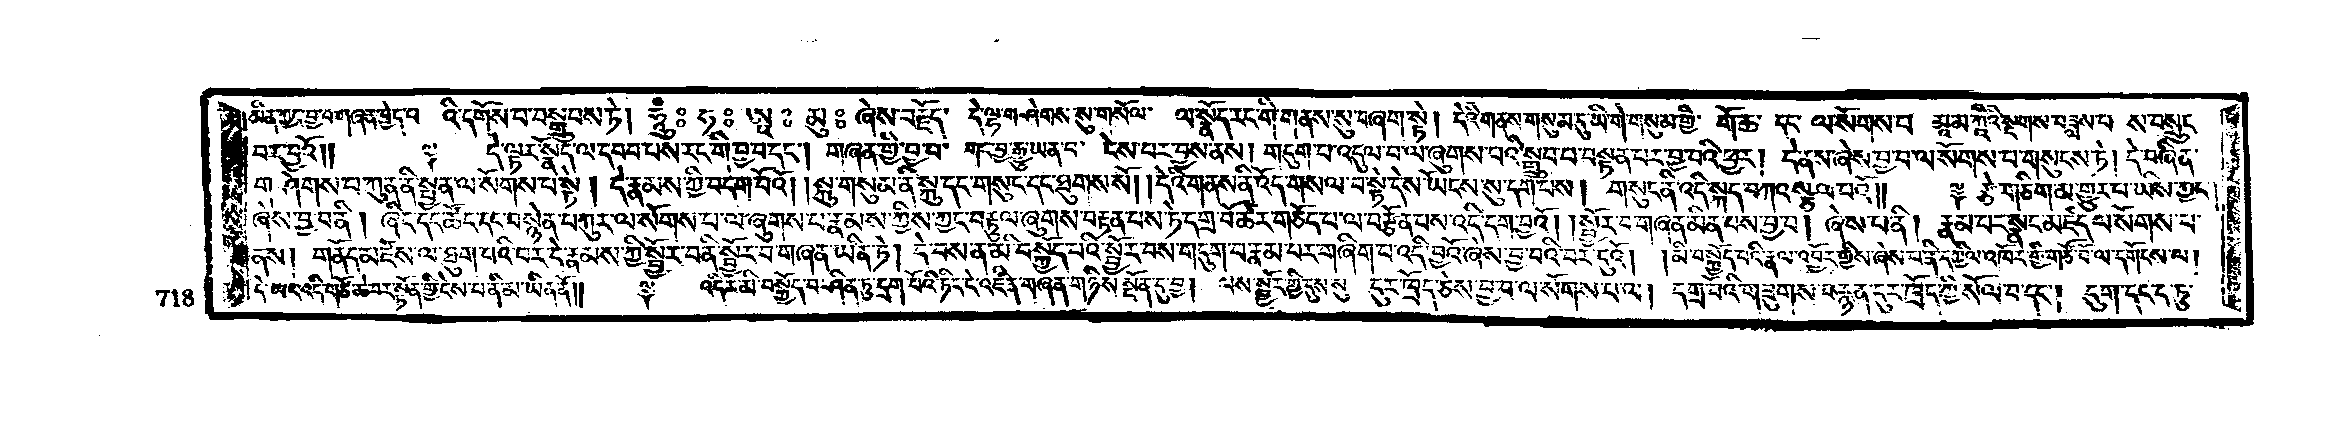མིན་ཀྱང་བྱ་བ་གཞན་བྱེད་པའི་དགོས་པ་བསྒྲུབས་ཏེ། ཧཱུཾཿ ཧཿ ཨཱཿ མུཿ ཞེས་བརྗོད་དེ་ལྷ་གཤེགས་སུ་གསོལ་ལ་སྣོད་རང་གི་གནས་སུ་བཞག་སྟེ། དེའི་གནས་གསུམ་དུ་ཡི་གེ་གསུམ་གྱི་གོ་ཆ་དང་ལ་སོགས་པ་མཱ་མ་ཀཱིའི་སྔགས་བཟླས་པས་བསྲུང་
བར་བྱའོ།། ༈ དེ་ལྟར་སྣོད་ལ་དབབ་པས་རང་གི་བྱ་བ་དང་། གཞན་གྱི་བྱ་བ་གང་བྱ་རྒྱུ་ཡིན་པ་ངེས་པར་བྱས་ནས། གདུག་པ་འདུལ་བ་ལ་ཞུགས་པའི་སྒྲུབ་པ་བསྟན་པར་བྱ་བའི་ཕྱིར། དེ་ནས་ཞེས་བྱ་བ་ལ་སོགས་པ་གསུངས་ཏེ། དེ་བཞིན་
གཤེགས་པ་ཀུན་ནི་སྤྱན་ལ་སོགས་པ་སྟེ། དེ་རྣམས་ཀྱི་བདག་པོའོ། ཏ།སྐུ་གསུམ་ནི་སྐུ་དང་གསུང་དང་ཐུགས་སོ། །དེའི་གནས་ནི་འོད་གསལ་བ་སྟེ་དེས་ཡོངས་སུ་དག་པས། གསུང་ནི་འདི་སྐད་བཀའ་སྩལ་བའོ།། ༈ རྩེ་གཅིག་མ་གྱུར་པ་ཡིས་ཀྱང་
ཞེས་བྱ་བ་ནི། ཞིང་དང་ཚོང་དང་བསྙེན་བཀུར་ལ་སོགས་པ་ལ་ཞུགས་པ་རྣམས་ཀྱིས་ཀྱང་བརྟུལ་ཞུགས་བརྟན་པས་ཏེ་དགྲ་བོ་ཚར་གཅོད་པ་ལ་བརྩོན་པས་འདི་དག་བྱའོ། །སྦྱོར་བ་གཞན་མིན་པས་བྱ་བ། ཞེས་པ་ནི། རྣམ་པར་སྣང་མཛད་ལ་སོགས་པ་
ནས། གནོད་མཛས་ལ་ཐུག་པའི་བར་དེ་རྣམས་ཀྱི་སྦྱོར་བ་ནི་སྦྱོར་བ་གཞན་ཡིན་ཏེ། དེ་བས་ན་མི་བསྐྱོད་པའི་སྦྱོར་བས་གདུག་པ་རྣམ་པར་གཞིག་པ་འདི་བྱའོ་ཞེས་བྱ་བའི་བར་དུའོ། །མི་བསྐྱོད་པའི་རྣལ་འབྱོར་གྱིས་ཞེས་པ་ནི་དཀྱིལ་འཁོར་གྱི་གཙོ་བོ་ལ་དགོངས་ལ།
དེ་ཡང་འདི་གཙོ་ཆེ་བར་སྟོན་གྱི་ངེས་པ་ནི་མ་ཡིན་ནོ།། ༈ འདིར་མི་བསྐྱོད་པ་ཤིན་ཏུ་དྲག་པོའི་ཏིང་ངེ་འཛིན་གཞན་གཉིས་སྔོན་དུ་བྱ། ལས་སྦྱོར་གྱི་དུས་སུ་ངུར་ཁྲོད་ཅེས་བྱ་བ་ལ་སོགས་པ་ལ། དགྲ་བོའི་གཟུགས་བརྙན་ངུར་ཁྲོད་ཀྱི་སོལ་བ་དང་། དུག་དང་ད་ཏུ་